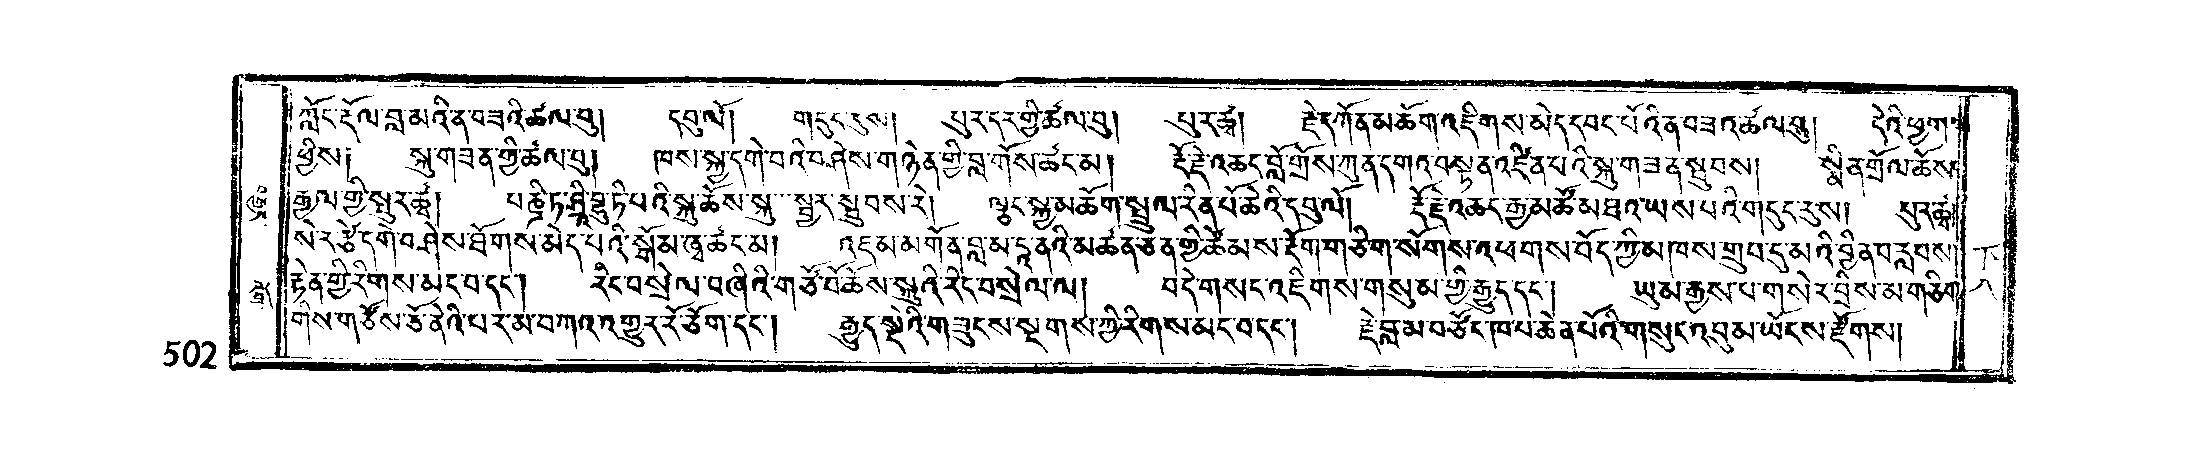ཀློང་རྡོལ་བླ་མའི་ན་བཟའི་ཚལ་བུ། དབུ་ལོ། གདུང་རུས། པུར་དར་གྱི་ཚལ་བུ། པུར་ཚྭ། རྗེ་དཀོན་མཆོག་འཇིགས་མེད་དབང་པོའི་ན་བཟའ་ཚལ་བུ། དེའི་ཕྱག་
ཕྱིས། སྐུ་གཟན་གྱི་ཚལ་བུ། ཁས་སྐྱ་དགེ་བའི་བཤེས་གཉེན་གྱི་བླ་གོས་ཚང་མ། རྡོ་རྗེ་འཆང་བློ་གྲོས་ཀུན་དགའ་བསྟན་འཛིན་པའི་སྐུ་གཟན་སྦུབས། སྨིན་གྲོལ་ཆོས་
རྒྱལ་གྱི་སྤུར་ཚྭ། པཎྜི་ཏ་ཤྲཱི་བྷུ་ཏི་པའི་སྐུ་ཆོས་སྐུ་སྦྱར་སྦུབས་རེ། ལྕང་སྐྱ་མཆོག་སྤྲུལ་རིན་པོ་ཆེའི་དབུ་ལོ། རྡོ་རྗེ་འཆང་རྒྱ་མཚོ་མཐའ་ཡས་པའི་གདུང་རུས། པུར་ཚྭ།
སེ་ར་རྩེ་དགེ་བཤེས་ཐོགས་མེད་པའི་སྒོམ་ཞྭ་ཚང་མ། འཇམ་མགོན་བླ་མ་དཱ་ནའི་མཚན་ཅན་གྱི་ཚེམས་རྡོག་གཅིག་སོགས་འཕགས་བོད་ཀྱི་མཁས་གྲུབ་དུ་མའི་བྱིན་བརླབས་
རྟེན་གྱི་རིགས་མང་བ་དང་། རིང་བསྲེལ་བཞིའི་གཙོ་བོ་ཆོས་སྐུའི་རིང་བསྲེལ་ལ། བདེ་གསང་འཇིགས་གསུམ་གྱི་རྒྱུད་དང་། ཡུམ་རྒྱས་པ་གསེར་བྲིས་མ་གཅིག་
གིས་གཙོས་ཅོ་ནེའི་པར་མ་བཀའ་འགྱུར་རོ་ཅོག་དང་། རྒྱུད་སྡེའི་གཟུངས་སྔགས་ཀྱི་རིགས་མང་བ་དང་། རྗེ་བླ་མ་བཙོང་ཁ་པ་ཆེན་པོའི་གསུང་འབུམ་ཡོངས་རྫོགས།